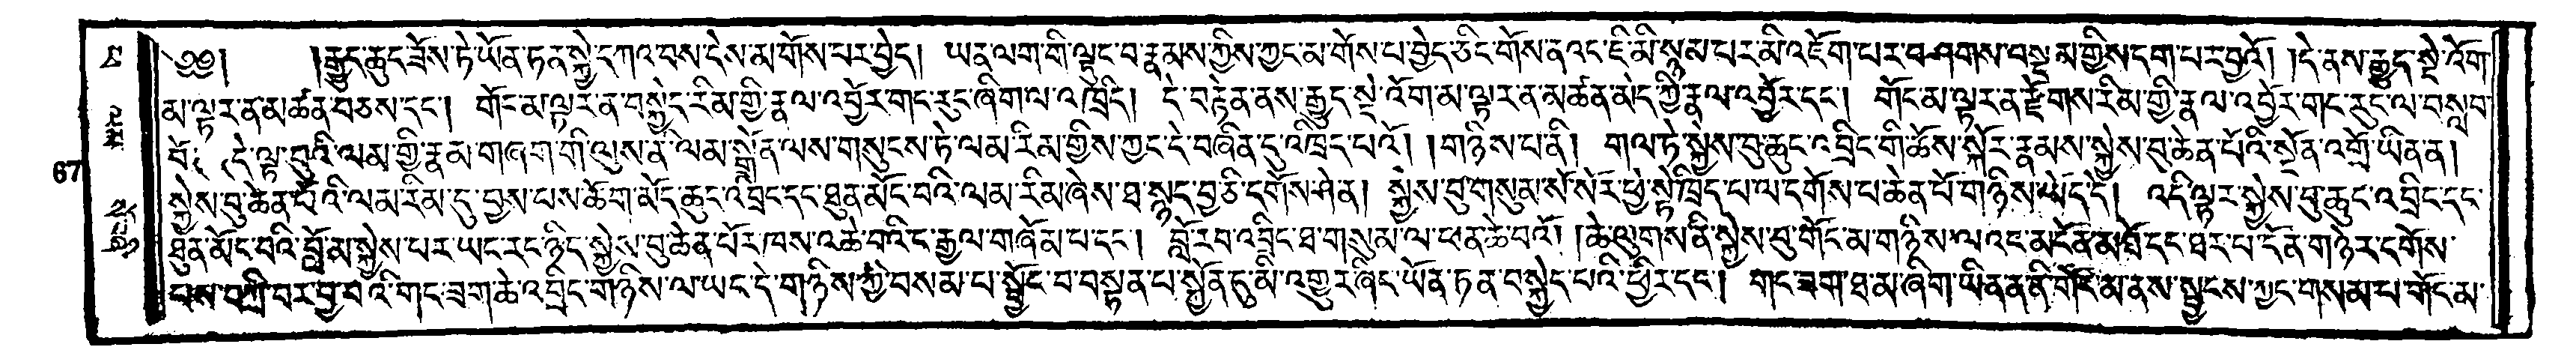༄༅། །རྒྱུད་ཆུད་ཟོས་ཏེ་ཡོན་ཏན་སྐྱེ་དཀའ་བས་དེས་མ་གོས་པར་བྱེད། ཡན་ལག་གི་ལྟུང་བ་རྣམས་ཀྱིས་ཀྱང་མ་གོས་པ་བྱེད་ཅིང་གོས་ནའང་ཇི་མི་སྙམ་པར་མི་འཇོག་པར་བཤགས་བསྔམ་གྱིས་དག་པར་བྱའོ། །དེ་ནས་རྒྱུད་སྡེ་འོག་
མ་ལྟར་ན་མཚན་བཅས་དང་། གོང་མ་ལྟར་ན་བསྐྱེད་རིམ་གྱི་རྣལ་འབྱོར་གང་རུང་ཞིག་ལ་འཁྲིད། དེ་བརྟེན་ནས་རྒྱུད་སྡེ་འོག་མ་ལྟར་ན་མཚན་མེད་ཀྱི་རྣལ་འབྱོར་དང་། གོང་མ་ལྟར་ན་རྫོགས་རིམ་གྱི་རྣལ་འབྱོར་གང་རུང་ལ་བསླབ་
བོ༑ ༑དེ་ལྟ་བུའི་ལམ་གྱི་རྣམ་གཞག་གི་ལུས་ནི་ལམ་སྒྲོན་ལམ་གསུངས་ཏེ་ལམ་རིམ་གྱིས་ཀྱང་དེ་བཞིན་དུ་འཁྲིད་པའོ། །གཉིས་པ་ནི། གལ་ཏེ་སྐྱེས་བུ་ཆུང་འབྲིང་གི་ཆོས་སྐོར་རྣམས་སྐྱེས་བུ་ཆེན་པོའི་སྔོན་འགྲོ་ཡིན་ན།
སྐྱེས་བུ་ཆེན་པོའི་ལམ་རིམ་དུ་བྱས་པས་ཚོག་མོད་འབྲིང་དང་ཐུན་མོང་བའི་ལམ་རིམ་ཞེས་ཐ་སྙད་བྱ་ཅི་དགོས་ཤེ་ན། སྐྱེས་བུ་གསུམ་སོ་སོར་ཕྱེ་སྟེ་ཁྲིད་པ་ལ་དགོས་པ་ཆེན་པོ་གཉིས་ཡོད་དེ། འདི་ལྟར་སྐྱེས་བུ་ཆུང་འབྲིང་དང་
ཐུན་མོང་བའི་བློ་མ་སྐྱེས་པར་ཡང་རང་ཉིད་སྐྱེས་བུ་ཆེན་པོར་ཁས་འཆེ་བའི་ང་རྒྱལ་གཞོམ་པ་དང་།བློ་རབ་འབྲིང་ཐ་གསུམ་ལ་ཕན་ཆེ་བའོ། །ཆེ་ལུགས་ནི་སྐྱེས་བུ་གོང་མ་གཉིས་ལའང་མངོན་མཐོ་དང་ཐར་པ་དོན་གཉེར་དགོས་
པས་བཀྲི་བར་བྱ་བའི་གང་ཟག་ཆེ་འབྲིང་གཉིས་ལ་ཡང་དེ་གཉིས་ཀྱི་བསམ་པ་སྦྱོང་བ་བསྟན་པ་སྐྱོན་དུ་མི་འགྱུར་ཞིང་ཡོན་ཏན་བསྐྱེད་པའི་ཕྱིར་དང་། གང་ཟག་ཐ་མ་ཞིག་ཡིན་ན་ནི་གོང་མ་ནས་སྦྱངས་ཀྱང་གསམ་པ་གོང་མ་